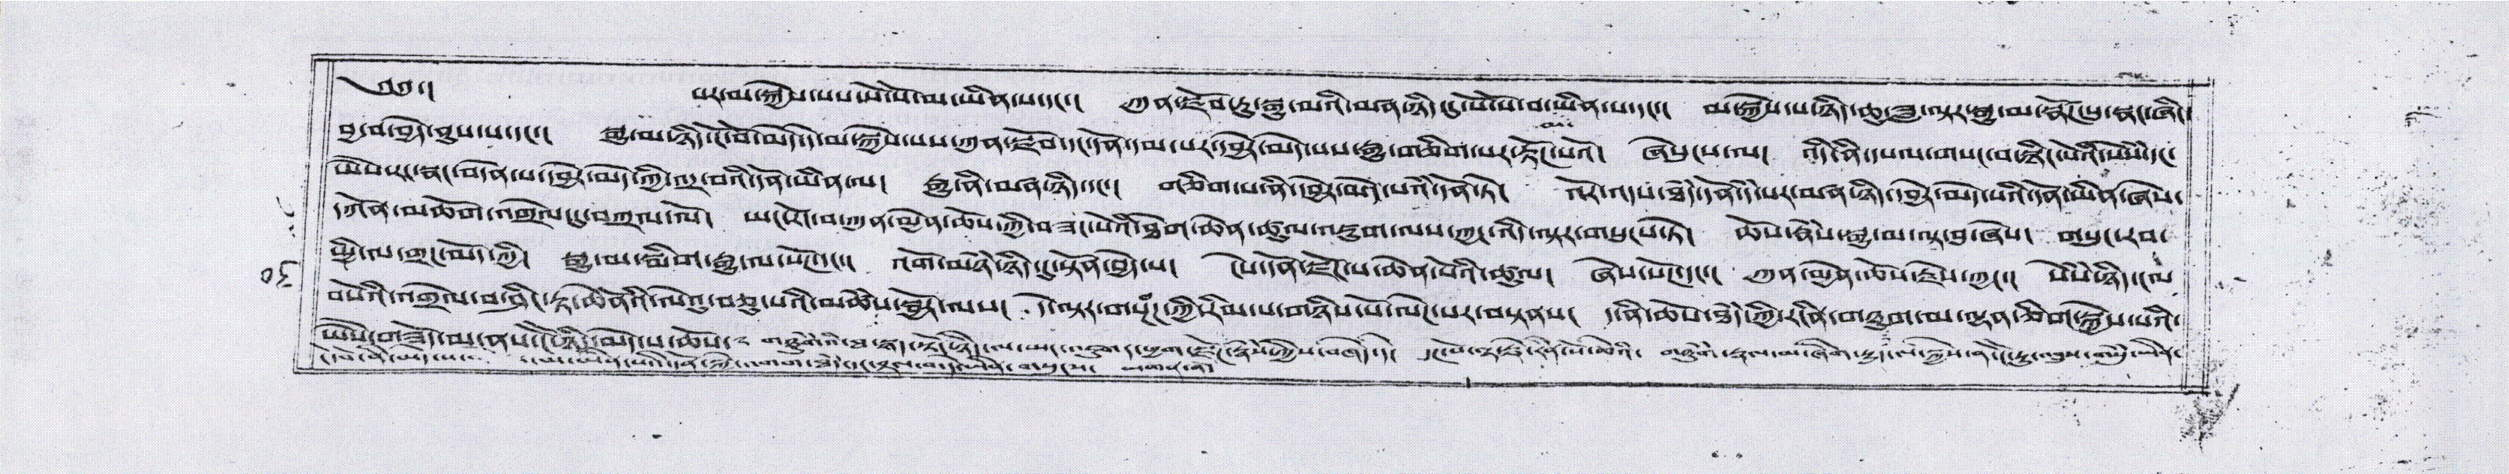པར་མ་སྐྱེས་པས་སོ་སོ་མ་ཡིན་པ་དང། ཀུན་རྫོབ་ཏུ་སྒྱུ་མའི་མཚན་ཉིད་དུ་སོ་སོ་བ་མ་ཡིན་པ་དང། མ་སྐྱེས་པ་ཉིད་ཆུ་ཟླ་ལྟར་སྒྱུ་མ་སྣ་ཚོགས་སུ་སྣང་ཞིང་
བྱ་བ་བྱེད་ནུས་པ་དང། སྒྱུ་མ་ཉིད་ངོ་བོ་མེད་དེ་མ་སྐྱེས་པས་ཀུན་རྫོབ་དང་དོན་དམ་པར་དབྱེར་མེད་པས་རྒྱུ་གཅིག་པར་རྟོགས་པའོ། ཞེས་གསུངས་ལ། འདི་ནི་དཔལ་གསང་བ་སྙིང་པོའི་སེམས་དང་
ཡེ་ཤེས་རང་སྣང་བདེན་པ་དབྱེར་མེད་ཀྱི་འདྲ་བའི་དོན་ཡིན་ལ། རྒྱུ་ནི་མཚན་ཉིད་དང། གཅིག་པ་ནི་དབྱེར་མེད་པའི་དོན་ཏེ། འཁོར་འདས་ཐམས་ཅད་དོན་དམ་པར་མཚན་ཉིད་དབྱེར་མེད་པའི་དོན་ཡིན་ཞེས་
དཀོན་མཆོག་འགྲེལ་དུ་བཀྲལ་ལོ། ཡང་རོང་བ་ཀུན་མཁྱེན་ཆོས་ཀྱི་བཟང་པོའི་ཐེག་ཆེན་ཚུལ་འཇུག་ལས་ཀྱང་འདི་ལྟར་གསུངས་ཏེ། ཆོས་རྣམས་སྒྱུ་མ་ལྟ་བུ་ཞེས། གསུང་རབ་
སྤྱི་ལ་གྲགས་མོད་ཀྱི། སྒྱུ་མ་སྨིག་རྒྱུ་ལ་སོགས་དང། འགོ་མཉམ་ཉིད་དུ་སྟོན་བྱེད་པ། ངེས་དོན་རྫོགས་པ་ཆེན་པོའི་ཚུལ། ཞེས་སོགས་དང། ཀུན་མཁྱེན་ཆོས་རྗེས་ཀྱང། སེམས་ཉིད་ངལ་
བསོའི་འགྲེལ་བ་ཤིང་རྟ་ཆེན་པོའི་ལེའུ་བཅུ་པའི་མཚམས་སྦྱོར་ལས། (གཉུག་མའི་ཐ་སྙད་སྟོང་ཉིད་ལ་ཡང་འཇུག་པར་ཕྱག་རྫོགས་རྣམས་ཀྱིས་བཞེད་དེ། དང་པོ་ལྷ་རྗེ་རིན་པོ་ཆེའི། གཉུག་རྣལ་མ་ཞིག་རྒྱུད་ལ་སྐྱེས་ན་ངོ་བོ་རྒྱུ་འབྲས་བུ་གསུམ་ཡིན། ངོ་བོ་ནི་མེད་པས་་་་་་་མ་ཡིན་པའི་དོན་སྐྱེ་འགག་ཐམས་ཅད་དང་བྲལ་བ་དེ་ཡིན་གསུངས། ཡན་ལག་གོ།) དེ་ལྟར་གསང་སྔགས་ཀྱི་རིམ་པ་གཉིས་པོ་ལེགས་པར་བསྟན་པས། ད་ནི་ཆོས་ཐམས་ཅད་ཀྱི་རང་བཞིན་གཉུག་མ་ལྷན་ཅིག་སྐྱེས་པའི་
ཡེ་ཤེས་གཟོད་མ་ནས་ངོ་བོ་ཉིད་མེད་པ་ཆོས་